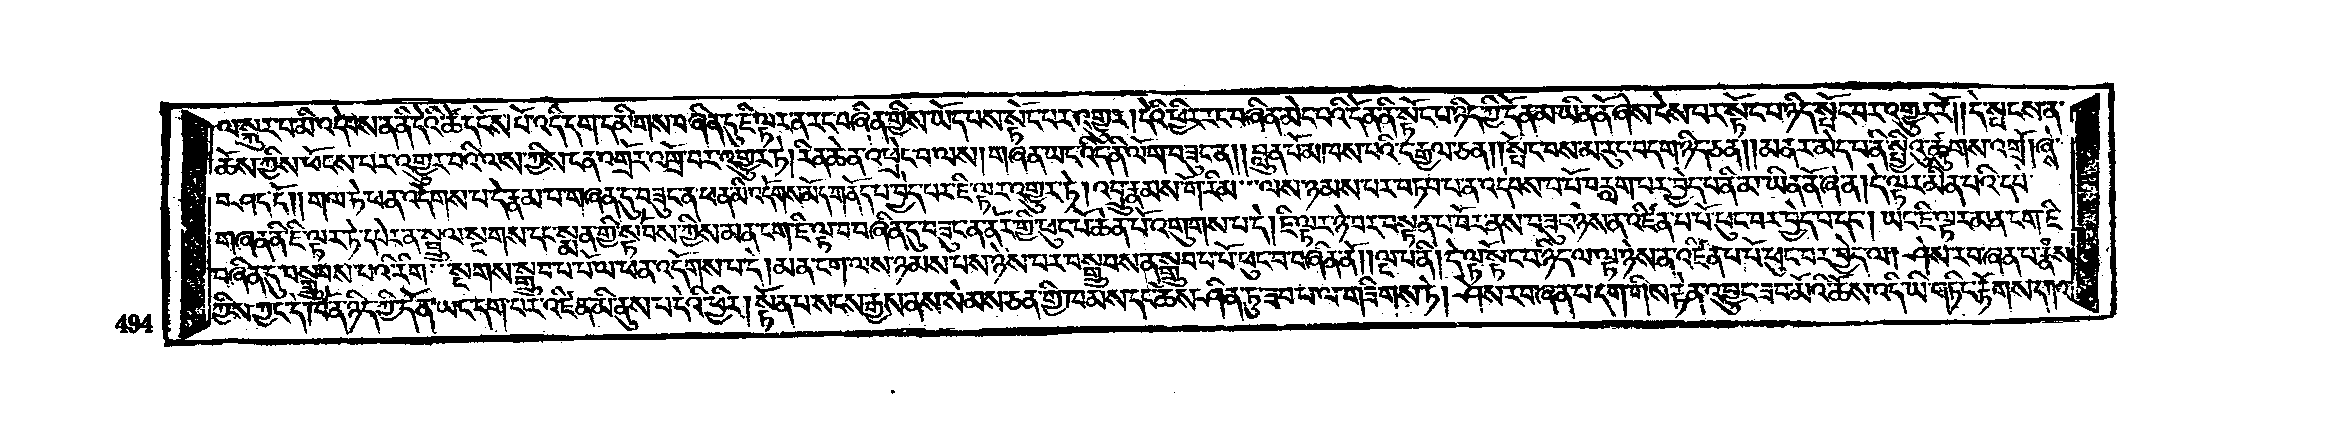ལ་སྐུར་པ་མི་འདེབས་ན་ནི་དེའི་ཚེ་དངོས་པོ་འདི་དག་དམིགས་བཞིན་དུ་ཇི་ལྟར་ན་རང་བཞིན་གྱི་ཡོད་པས་སྟོན་པར་འགྱུར། དེའི་ཕྱིར་རང་བཞིན་མེད་པའི་དོན་ནི་སྟོང་པ་ཉིད་ཀྱིས་དོན་མ་ཡིན་ནོ་ཞེས་ངེས་པར་སྟོང་པ་ཉིད་སྤོང་པར་འགྱུར་རོ། །དེ་སྤངས་ན་
ཆོས་ཀྱིས་ཕོངས་པར་འགྱུར་བའི་ལས་ཀྱིས་ངན་འགྲོར་འགྲོ་བར་འགྱུར་ཏེ། རིན་ཆེན་འཕྲེང་བ་ལས། གཞན་ཡང་འདི་ནི་ལོག་བཟུང་ན། །བླུན་པོ་མཁས་པའི་ང་རྒྱལ་ཅན། །སྤོང་བས་མ་རུང་བདག་ཉིད་ཅན། །མནར་མེད་པ་ནི་སྤྱིའུ་ཚུགས་འགྲོ། ཞེས་
བཤད་དོ། །གལ་ཏེ་ཕན་འདོགས་པ་དེ་རྣམ་པ་གཞན་དུ་བཟུང་ན་ཕན་མི་འདོགས་མོད་གནོད་པ་བྱེད་པར་ཇི་ལྟར་འགྱུར་ཏེ། འབྲུ་རྣམས་གོ་རིམ་ལས་ཉམས་པར་བཏབ་པ་ན་འདེབས་པ་པོ་བརླག་པར་བྱེད་པ་ནི་མ་ཡིན་ནོ་ཞེ་ན། དེ་ལྟར་མིན་པའི་དཔེ་
གཞན་ནི་ཇི་ལྟར་ཏེ་དཔེར་ན་སྦྲུལ་སྔགས་དང་སྨན་གྱི་སྟོབས་ཀྱིས་མན་ངག་ཇི་ལྟ་བ་བཞིན་དུ་བཟུང་ན་ནོར་གྱི་ཕུང་པོ་ཆེན་པོ་འགུགས་པ་དེ། ཇི་ལྟར་ཉེ་བར་བསྟན་པ་བོར་ནས་བཟུང་ཉེས་ན་འཛིན་པ་པོ་ཕུང་བར་བྱེད་པ་དང་། ཡང་ཇི་ལྟར་མན་ངག་ཇི་
བཞིན་དུ་བསྒྲུབས་པའི་རིག་སྔགས་སྒྲུབ་པ་པོ་ལ་ཕན་འདོགས་པ་དེ། མན་ངག་ལས་ཉམས་པས་ཉེས་པར་བསྒྲུབས་ན་སྒྲུབ་པ་པོ་ཕུང་བ་བཞིན་ནོ། །ལྔ་པ་ནི། དེ་ལྟ་སྟོང་པ་ཉིད་ལ་ལྟ་ཉེས་ན་འཛིན་པ་པོ་ཕུང་པར་བྱེ་ལ། ཤེས་རབ་ཞན་པ་རྣཾས་
ཀྱིས་ཀྱང་དེ་ཁོ་ན་ཉིད་ཀྱི་དོན་ཡང་དག་པར་འཛིན་མི་ནུས་པ་དེའི་ཕྱིར། སྟོན་པ་སངས་རྒྱས་ནས་སེམས་ཅན་གྱི་ཁམས་དང་ཆོས་ཤིན་ཏུ་ཟབ་པ་ལ་གཟིགས་ཏེ། ཤེས་རབ་ཞན་པ་དག་གིས་རྟེན་འབྱུང་ཟབ་མོའི་ཆོས་འདི་ཡི་གཏིང་རྟོགས་དཀའ་